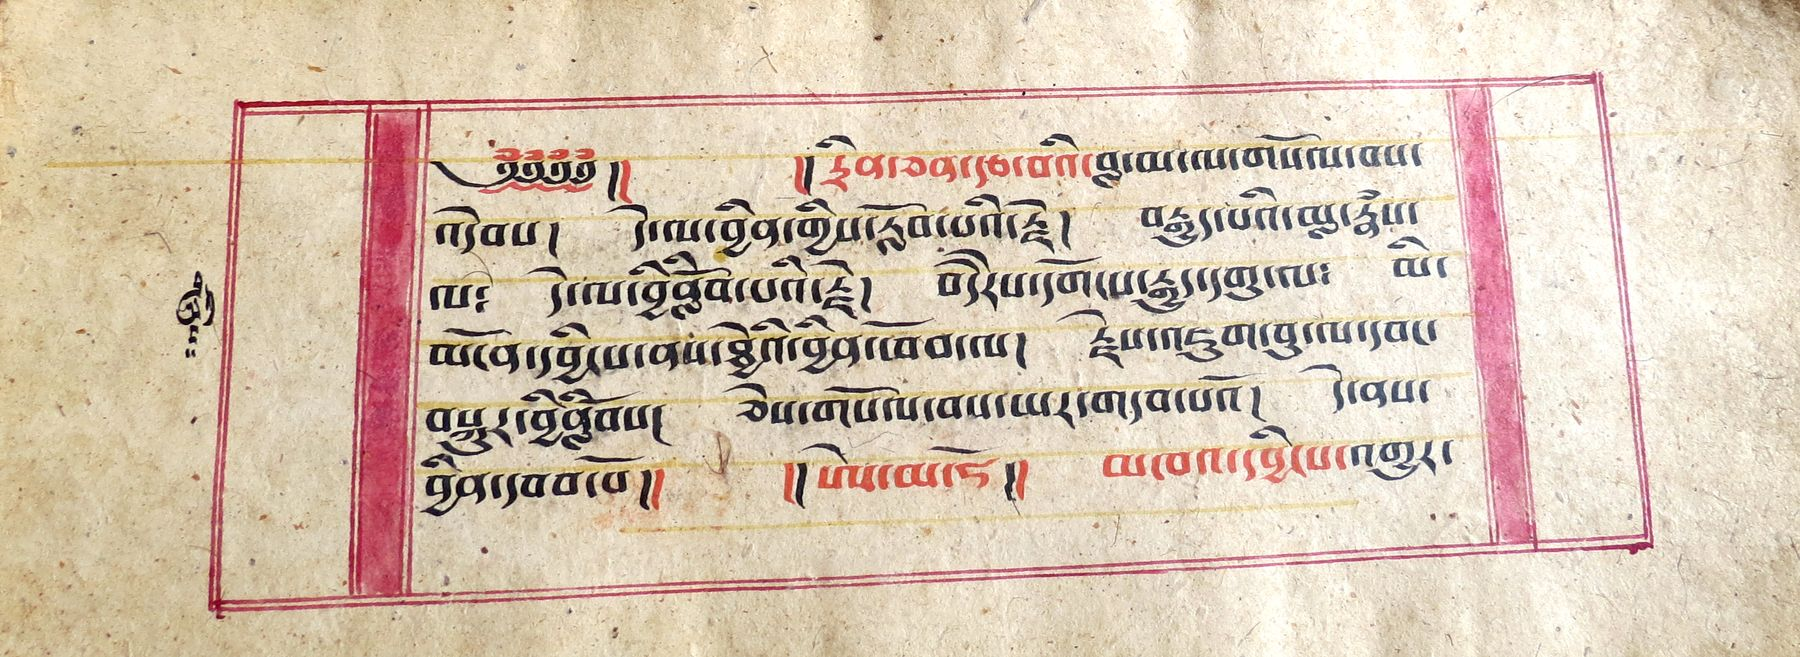དྲིན་ཅན་རྩ་བའི་བླ་མ་ལ་གསོལ་བ་
འདེབས། ། དེ་ལ་བྱིན་གྱིས་རློབ་པའི་རྗེ། ། བརྒྱུད་པའི་བླ་མ་རྣམས་
ལ་གསོལ་བ་འདེབས། ། དེ་ལ་བྱིན་གྱིས་རློབ་པའི་རྗེ། ། བདེར་གཤེགས་དགོངས་རྒྱུད་དགུ་ལ་གསོལ་བ་འདེབས། ། མི་
མངོན་དབྱིངས་ནས་ཐུགས་རྗེས་བྱིན་ཕོབས་ལ། ། རྗེས་འཇུག་བུ་ལ་དབང་
བསྐུར་བྱིན་གྱིས་རློབས། ། ཅེས་གསོལ་བ་ཡར་བཏབ་བོ། ། དེ་ནས་
བྱིན་དབབ་བོ། ། ཨེ་མ་ཧོ། མཁའ་དབྱིངས་འགྱུར་